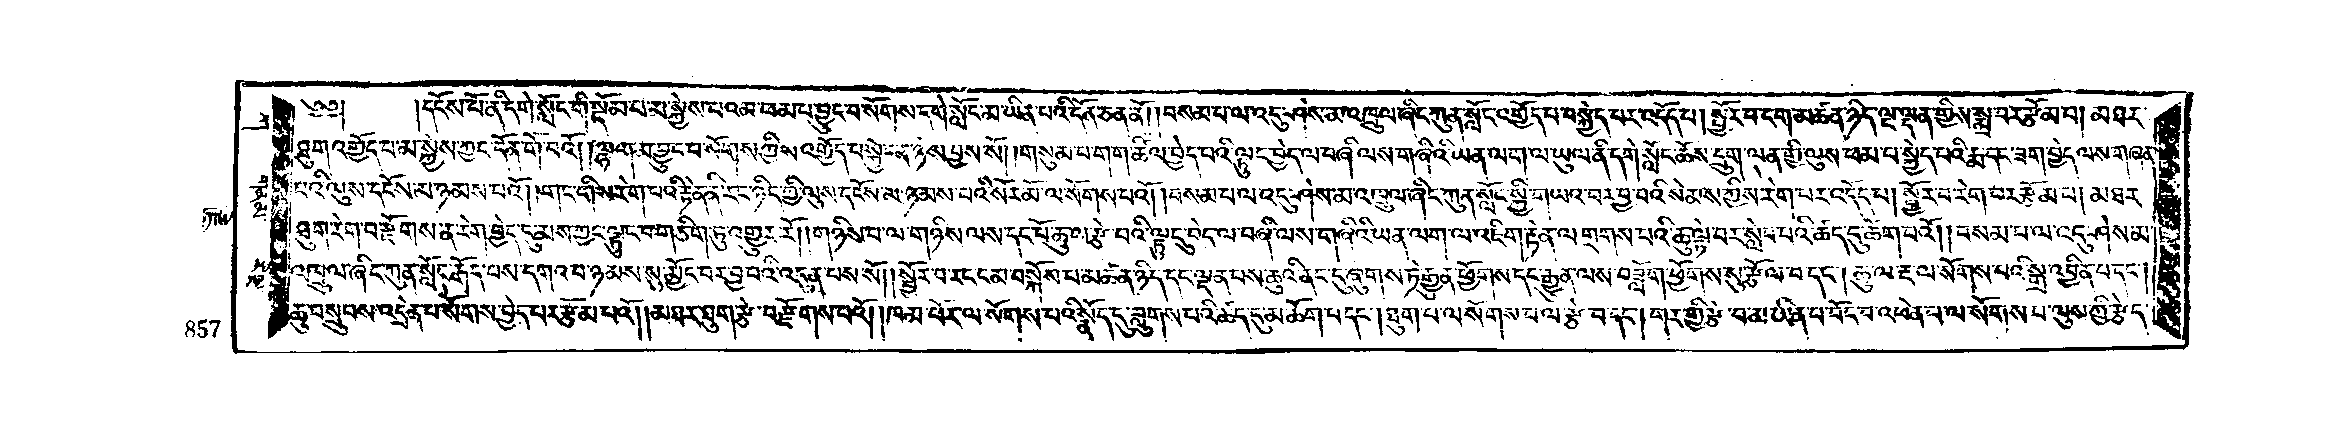༄༅། །དངོས་པོ་ནི་དགེ་སློང་གི་སྡོམ་པ་མ་སྐྱེས་པའམ་ཕམ་པ་བྱུང་བ་སོགས་དགེ་སློང་མ་ཡིན་པའི་དོན་ཅན་ནོ། །བསམ་པ་ལ་འདུ་ཤེས་མ་འཁྲུལ་ཞིང་ཀུན་སློང་འགྱོད་པ་བསྐྱེད་པར་འདོད་པ། སྦྱོར་བ་ངག་མཚན་ཉིད་ལྔ་ལྡན་གྱིས་སྨྲ་བར་རྩོམ་པ། མཐར་
ཐུག་འགྱོད་པ་མ་སྐྱེས་ཀྱང་དོན་གོ་བའོ། །ལྷག་མ་བྱུང་བ་སོགས་ཀྱིས་འགྱོད་པ་སྐྱེད་ན་ཉེས་བྱས་སོ། །གསུམ་པ་གག་ཚིལ་བྱེད་པའི་ལྟུང་བྱེད་ལ་བཞི་ལས་གཞིའི་ཡན་ལག་ལ་ཡུལ་ནི་དགེ་སློང་ཆོས་དྲུག་ལན་གྱི་ལུས་ཕམ་པ་སྐྱེད་པའི་རྨ་དང་ཟག་བྱེད་ལས་གཞན་
པའི་ལུས་དངོས་མ་ཉམས་པའོ། །གང་གིས་རེག་པའི་རྟེན་ནི་རང་ཉིད་ཀྱི་ལུས་དངོས་མ་ཉམས་པའི་སོར་མོ་ལ་སོགས་པའོ། །བསམ་པ་ལ་འདུ་ཤེས་མ་འཁྲུལ་ཞིང་ཀུན་སློང་སྐྱི་གཡའ་བར་བྱ་བའི་སེམས་ཀྱིས་རེག་པར་འདོད་པ། སྦྱོར་བ་རེག་པར་རྩོམ་པ། མཐར་
ཐུག་རེག་བ་རྫོགས་ན་རེག་བྱེད་དུ་མས་ཀྱང་ལྟུང་བ་གཅིག་ཏུ་འགྱུར་རོ། །གཉིས་པ་ལ་གཉིས་ལས་དང་པོ་ཆུ་ལ་རྩེ་བའི་ལྟུང་དུ་བེད་ལ་བཞི་ལས་གཞིའི་ཡན་ལག་ལ་འཇིག་རྟེན་ལ་གྲགས་པའི་ཆུ་ལྟེ་བར་སླེབ་པའི་ཚད་དུ་ཚེག་པའོ། །བསམ་པ་ལ་འདུ་ཤེས་མ་
འཁྲུལ་ཞིང་ཀུན་སློང་རྒོད་པས་དགའ་བ་ཉམས་སུ་མྱོང་བར་བྱ་བའི་འདུན་པས་སོ། །སྦྱོར་བ་རང་ངམ་བསྐོས་པ་མཚན་ཉིད་དང་ལྡན་པས་ཆུའི་ནང་དུ་ཞུགས་ཏེ་རྒྱུན་ཕྱོགས་དང་རྒྱུན་ལས་བཟློག་ཕྱོགས་སུ་རྩོལ་བ་དང་། ཆུ་ལ་རྔ་ལ་སོགས་པའི་སྒྲ་འབྱིན་པ་དང་།
ཆུ་བསྲུབས་འདྲེན་པ་སོགས་བྱེད་པར་རྩོམ་པའོ། །མཐར་ཐུག་རྩེ་བརྫོགས་པའོ། །ཁམ་པོར་ལ་སོགས་པའི་སྣོད་དུ་ཟླུགས་པའི་ཚད་དུ་མཆོག་པ་དང་། ཐུག་པ་ལ་སོགས་པ་ལ་རྩེ་བ་དང་། གར་གྱི་རྩེ་བ་མ་ཡིན་པ་བོད་པ་འཕེན་པ་ལ་སོགས་པ་ལུས་ཀྱི་རྩེད་